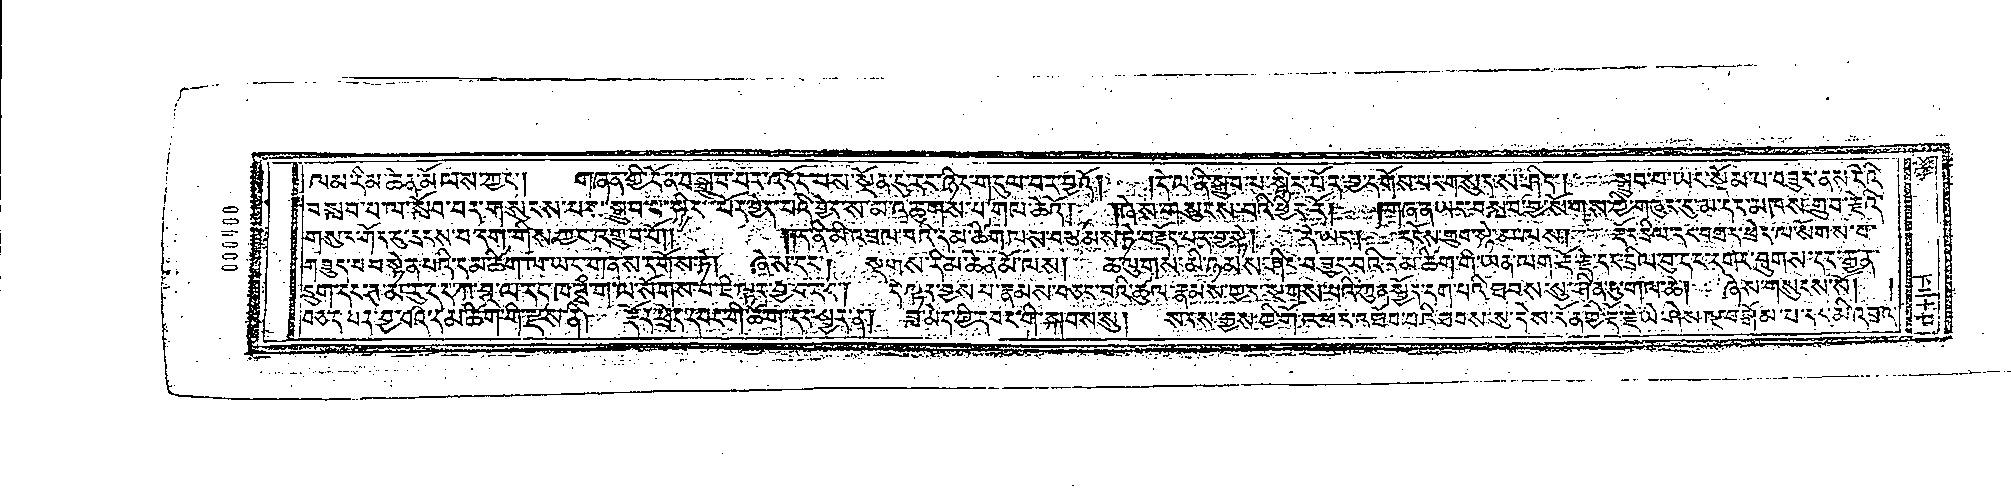ལམ་རིན་ཆེན་མོ་ལས་ཀྱང་། གཞན་གྱི་དོན་བསྒྲུབ་པར་འདོད་པས་སྔོན་དུ་རང་ཉིད་གདུལ་བར་བྱའོ། །དེ་ལ་ནི་སྒྲུབ་པ་སྙིང་པོར་བྱ་དགོས་པར་གསུངས་ཤིང་། སྒྲུབ་པ་ཡང་སྡོམ་པ་བཟུང་ནས་དེའི་
བསླབ་པ་ལ་སློབ་པར་གསུངས་པས་སྒྲུབ་པ་སྙིང་པོར་བྱེད་པའི་བྱེད་ས་མེ་འཆུགས་པ་གལ་ཆེའོ། །ཞེས་གསུངས་པའི་ཕྱིར་རོ། །གཞན་ཡང་བསླབ་བྱ་སོགས་ཀྱི་གཞུང་དུ་མ་དང་མཁས་གྲུབ་རྗེའི་
གསུང་གོང་དུ་དྲངས་པ་དག་གིས་ཀྱང་འགྲུབ་བོ།། །།ད་ནི་མི་འབྲལ་བའི་དམ་ཚིག་ལས་བརྩམས་ཏེ་བརྗོད་པར་བྱ་སྟེ། དེ་ཡང་། དངོས་གྲུབ་སྙེ་མ་ལས། རྡོར་དྲིལ་དང་བགྲད་ཕྲེང་ལ་སོགས་པ་
གཟུང་པ་བསྟན་པའི་དམ་ཚིག་ལ་ཡང་གནས་དགོས་ཏེ། ཞེས་དང་། སྔགས་རིམ་ཆེན་མོ་ལས། ཆ་ལུགས་མི་ཉམས་ཤིང་བཟུང་བའི་གདམ་ཚིག་གི་ཡན་ལག་རྡོ་རྗེ་དང་དྲིལ་བུ་དང་དགང་བླུགས་དང་རྒྱན་
དྲུག་དང་ཊ་མ་རུ་དང་ཀ་པཱ་ལ་དང་ཁ་ཊྭཾ་ག་ལ་སོགས་པ་ཇི་ལྟར་བྱ་བར་ལ། དེ་ལྟར་བྱས་པ་རྣམས་བཅད་བའི་ཚུལ་རྣམས་ཀྱང་སྔགས་པའི་ཀུན་སྤྱོད་དག་པའི་ཐབས་སུ་ཤིན་ཏུ་གལ་ཆེ། ཞེས་གསུངས་སོ། །
བཅད་པར་བྱ་བའི་དམ་ཚིག་གི་རྫས་ནི། རྡོར་ཕྲེང་དབང་གི་ཆོ་ག་དང་སྦྱར་ན། བླ་མེད་ཀྱི་དབང་གི་སྐབས་སུ། སངས་རྒྱས་ཀྱི་གོ་འཕང་འཐོབ་པའི་ཐབས་སུ་དེས་དོན་གྱི་རྡོ་རྗེ་ཡེ་ཤེས་ལྔ་བསྒོམ་པ་དང་མི་འབྲལ་